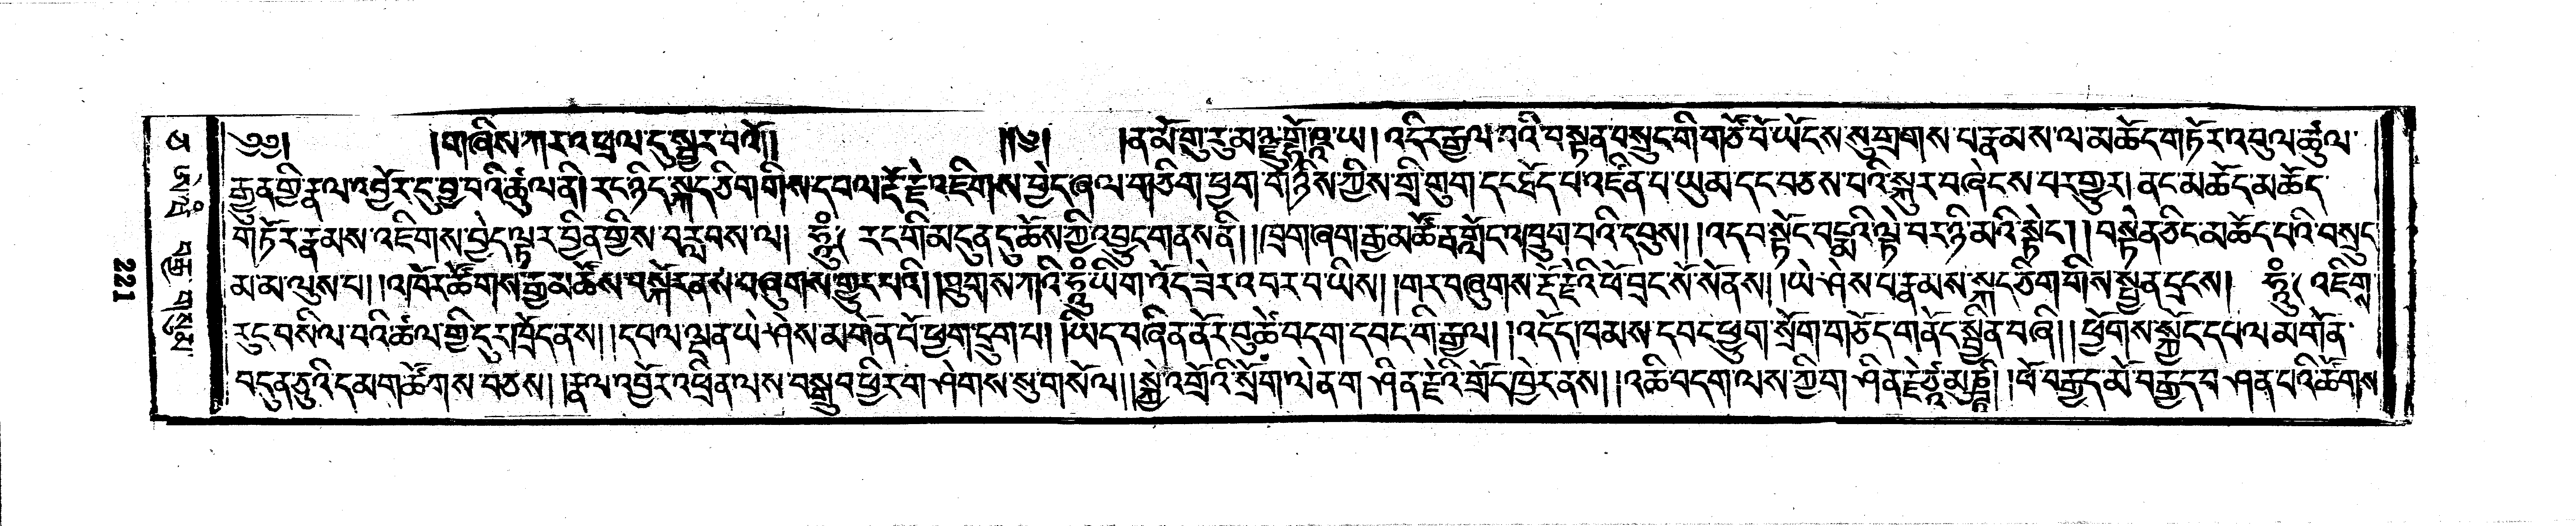༄༅། །ན་མོ་གུ་རུ་མཉྫུ་གྷོ་ཥཱ་ཡ། འདིར་རྒྱལ་བའི་བསྟན་བསྲུང་གི་གཙོ་བོ་ཡོངས་སུ་གྲགས་པ་རྣམས་ལ་མཆོད་གཏོར་འབུལ་ཚུལ་
རྒྱུན་གྱི་རྣལ་འབྱོར་དུ་བྱ་བའི་ཚུལ་ནི། རང་ཉིད་སྐད་ཅིག་གིས་དཔལ་རྡོ་རྗེ་འཇིགས་བྱེད་ཞལ་གཅིག་ཕྱག་གཉིས་ཀྱིས་གྲི་གུག་དང་ཐོད་པ་འཛིན་པ་ཡུམ་དང་བཅས་པའི་སྐུར་བཞེངས་པར་གྱུར། ནང་མཆོད་མཆོད་
གཏོར་རྣམས་འཇིགས་བྱེད་ལྟར་བྱིན་གྱིས་བརླབས་ལ། ཧཱུཾ། རང་གི་མདུན་དུ་ཆོས་ཀྱི་འབྱུང་གནས་ནི། །ཁྲག་ཞག་རྒྱ་མཚོ་རྦ་གློང་འཁྲུག་པའི་དབུས། །འདབ་སྟོང་པདམའི་ལྟེ་བར་ཉི་མའི་སྟེང་། །བསྟེན་ཅིང་མཆོད་པའི་བསྲུང་
མ་མ་ལུས་པ། །འཁོར་ཚོགས་རྒྱ་མཚོས་བསྐོར་ནས་བཞུགས་གྱུར་པའི། །ཐུགས་ཀའི་ཧཱུཾ་ཡིག་འོད་ཟེར་འབར་བ་ཡིས། །གར་བཞུགས་རྡོ་རྗེའི་ཕོ་བྲང་སོ་སོ་ནས། །ཡེ་ཤེས་པ་རྣམས་སྐད་ཅིག་གིས་སྤྱན་དྲངས། ཧཱུཾ། འཇིགས་
རུང་བསིལ་བའི་ཚལ་གྱི་དུར་ཁྲོད་ནས། །དཔལ་ལྡན་ཡེ་ཤེས་མགོན་པོ་ཕྱག་དྲུག་པ། །ཡིད་བཞིན་ནོར་བུ་ཚེ་བདག་དབང་གི་རྒྱལ། །འདོད་ཁམས་དབང་ཕྱུག་སྲོག་གཅོད་གནོད་སྦྱིན་བཞི། །ཕྱོགས་སྐྱོང་དཔལ་མགོན་
བདུན་ཅུའི་དམག་ཚོགས་བཅས། །རྣལ་འབྱོར་འཕྲིན་ལས་བསྒྲུབ་ཕྱིར་གཤེགས་སུ་གསོལ། །སྐྱེ་འགྲོའི་སྲོག་ལེན་གཤིན་རྗེའི་གྲོང་ཁྱེར་ནས། །འཆི་བདག་ལས་ཀྱི་གཤིན་རྗེ་ཙཱ་མུཎྜཱི། །ཕོ་བརྒྱད་མོ་བརྒྱད་བཤན་པའི་ཚོགས་